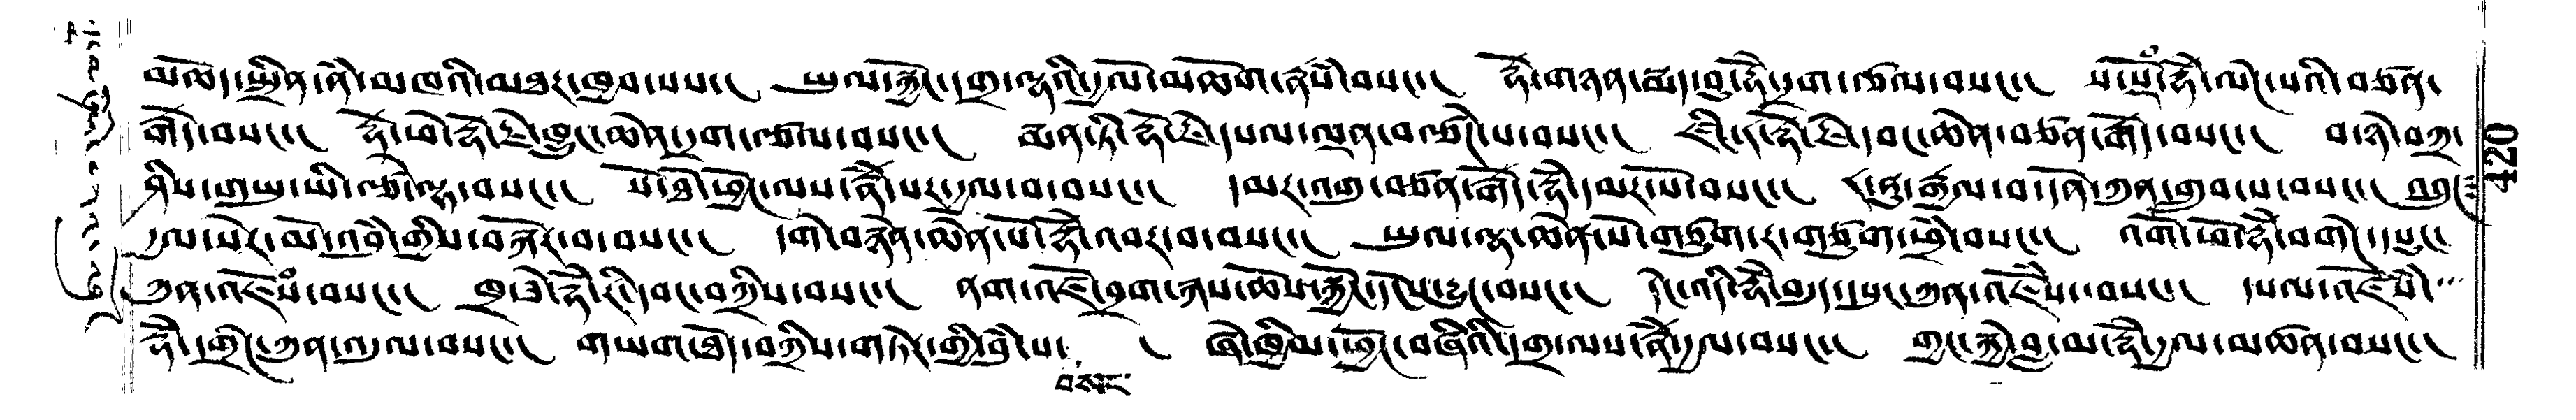མཆོད་སྤྲིན་ནམ་མཁའི་མཐར་ཁྱབ་པས། །ཡུལ་སྐྱོང་དགྲ་ལྷའི་རྒྱལ་པོ་མཆོག་རྣམས་བསང་། །རྡོ་གཉན་སྨད་བུ་རྡོ་རྗེ་དྲག་རྩལ་བསང་། །ས་སྡོམ་རྡོ་རྗེ་ལེགས་པའི་བཙན་
རྒོད་བསང་། །རྡོ་ཁོ་རྡོ་རྗེ་ཁྱུང་ཆེན་དྲག་རྩལ་བསང་། །སྨན་ཏི་རྡོ་རྗེ་དཔལ་ལྡན་བརྩེགས་པ་བསང་། །རྫིང་ར་རྡོ་རྗེ་དབང་ཆེན་བཙན་རྒོད་བསང་། །བ་ཉེ་བཀྲ་
ཤིས་གཡུ་ཡི་རྩ་ལྷ་བསང་། །སེ་ཐོ་ཕྱོགས་ལས་རྣམ་པར་རྒྱལ་བ་བསང་། །དམར་འགུ་བཙན་རྒོད་རྡོ་རྗེ་དམར་པོ་བསང་། །ར་ནུ་རྒྱལ་བ་དོན་ཀུན་གྲུབ་པ་བསང་། །འབྲུག་
རྒྱལ་སེར་མོ་འབུམ་གྱིས་བསྐོར་བ་བསང་། །དགེ་བསྙེན་ཆེན་པོ་རྡོ་རྗེ་འབར་བ་བསང་། །ཡུལ་ལྷ་ཆེན་པོ་གཙུག་ར་གཙུག་ཕྲོམ་བསང་། །གོ་བོ་རྡོ་རྗེ་བགེགས་དཔུང་
ཀུན་འཇོམས་བསང་།ཁྲ་ཟེ་རྡོ་རྗེ་རི་དབང་བཀྲ་ཤིས་བསང་། །ནག་འཛོ་བྲག་སྐས་ཆོས་སྐྱོང་དངོས་རྒྱུགས་བསང་། །དོང་ཏི་རྡོ་རྗེ་བདུད་དཔུང་ཀུན་འཇོམས་བསང་། །དཔལ་འཛོམས་
རྡོ་རྗེ་དགྲ་བགེགས་ཀུན་འདུལ་བསང་། །གཡག་ཐོད་བཀྲ་ཤིས་གཏེར་གྱི་བུམ་པ་བསང་། །ཞེ་ཁྱིམ་ཕྱོགས་བཞིའི་དགྲ་ལས་རྣམ་རྒྱལ་བསང་། །གྱང་སྐྱེ་བླ་མ་རྡོ་རྗེ་རྒྱལ་མཚན་བསང་།